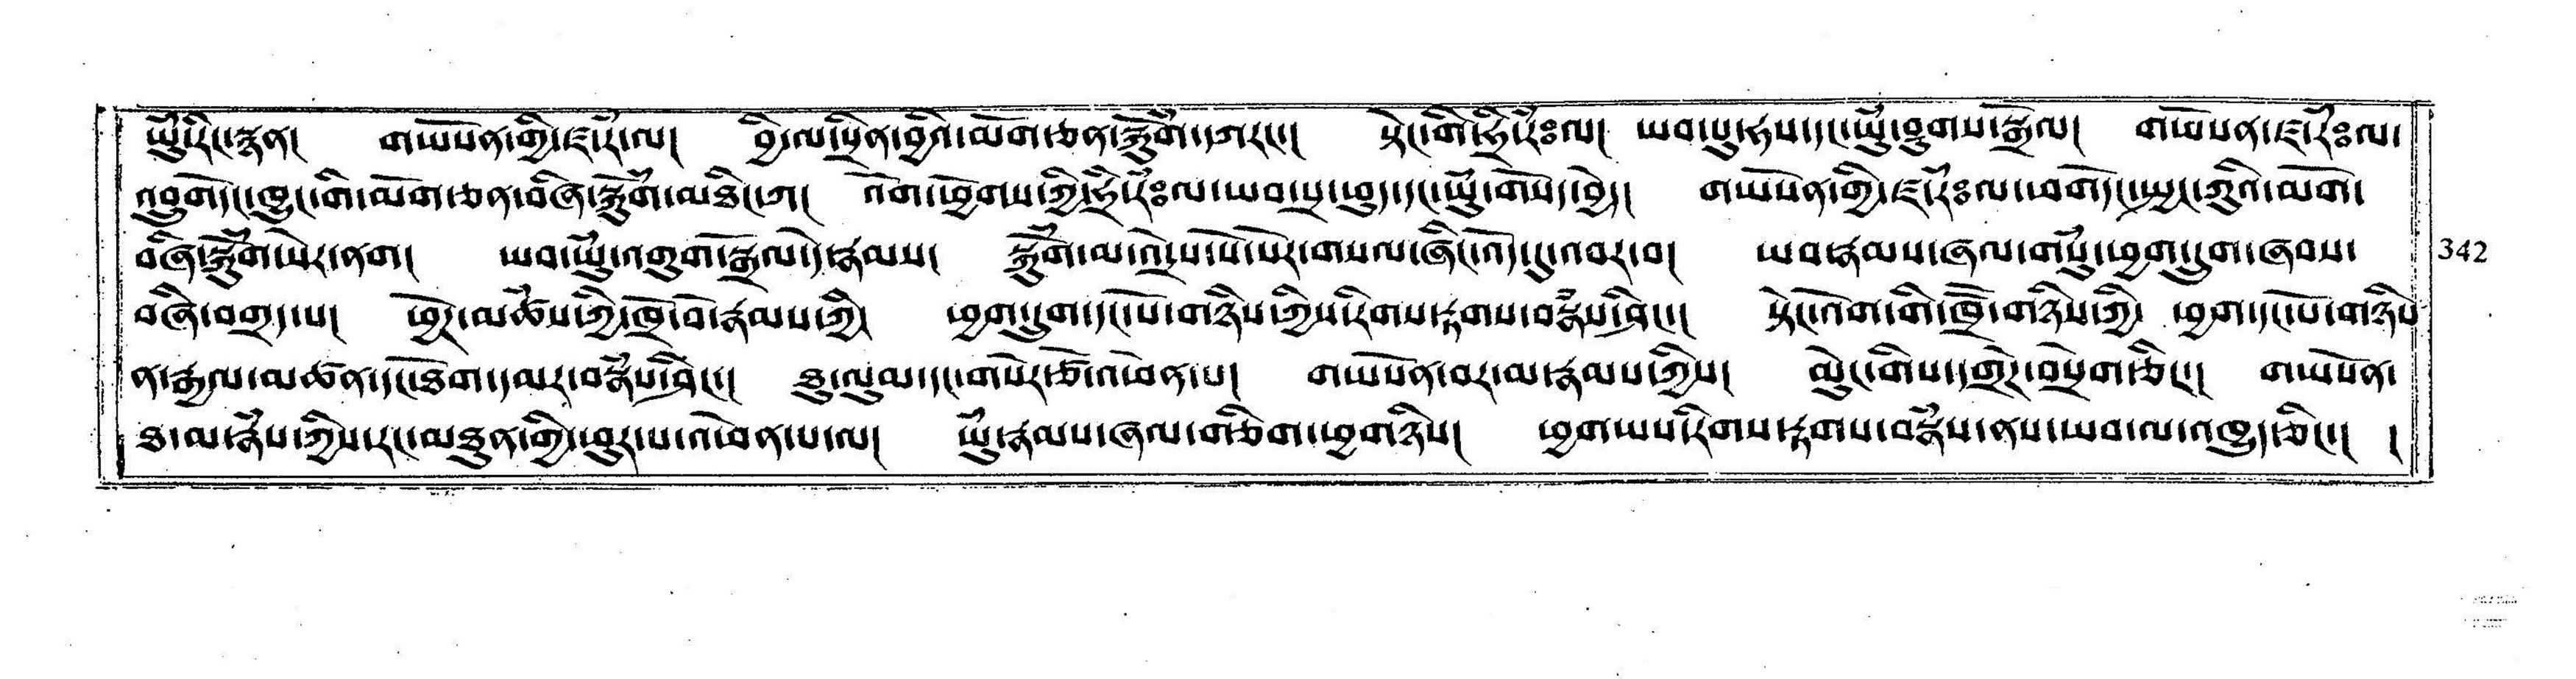ཡུམ་རིང་སྙན། གཡས་གཡོན་གྱི་ཛ་རཾ་ལ། བྱི་ལ་སྲིན་བྱའི་མགོ་ཅན་སྐུ་མདོག་དཀར་ལྗང་། སྟེང་གི་ཧྲི་རཾཿལ། ཡབ་སུ་ཧས་དང་ཡུམ་ཤུགས་སྒྲོལ། གཡས་གཡོན་ཛ་རཾཿལ་
འབྲུག་གདོང་ཁྱུང་གི་མགོ་ཅན་བཞི་སྐུ་མདོག་མཐིང་ཀ འོག་ཕྱོགས་ཀྱི་ཧྲི་རཾཿལ་ཡབ་སྲ་ཕུད་དང་ཡུམ་གསོད་བྱེད། གཡས་གཡོན་གྱི་ཛ་རཾཿལ་ཕག་གདོང་སྤྱང་ཀུའི་མགོ་
བཞི་སྐུ་མདོག་སེར་ནག ཡབ་ཡུམ་འགུག་སྒྲོལ་དེ་རྣམས། སྐུ་མདོག་མ་འདྲེས་སོ་སོར་གསལ་ཞིང་འོད་དུ་འབར་བ། ཡབ་རྣམས་ཞལ་གསུམ་ཕྱག་དྲུག་ཞབས་
བཞི་བགྲད་པ། ཕྱོགས་མཚམས་ཀྱི་ཁྲོ་བོ་རྣམས་ཀྱི། ཕྱག་དྲུག་དང་པོ་གཉིས་ཀྱིས་རིགས་རྟགས་བསྣམས་ཞིང་། སྟེང་འོག་གི་ཁྲོ་བོ་གཉིས་ཀྱི་ཕྱག་དང་པོ་གཉིས་
ན་རྒྱལ་མཚན་དང་ཐོག་དམར་བསྣམས་ཤིང་། ཐུ་ལུམ་དང་གསེར་ཙོ་འཕེན་པ། གཡས་གཡོན་བར་མ་རྣམས་ཀྱིས། མེ་དཔུང་གིས་དགྲ་བགེགས་བསྲེག་ཅིང་། གཡས་གཡོན་
ཐ་མ་རྣམས་ཀྱིས་རང་མཐུན་གྱི་ཕུར་པ་འཕེན་པ་ལ། ཡུམ་རྣམས་ཞལ་གཅིག་ཕྱག་གཉིས། ཕྱག་གཡས་རིགས་རྟགས་བསྣམས་ནས་ཡབ་ལ་འཁྱུད་ཅིང་།